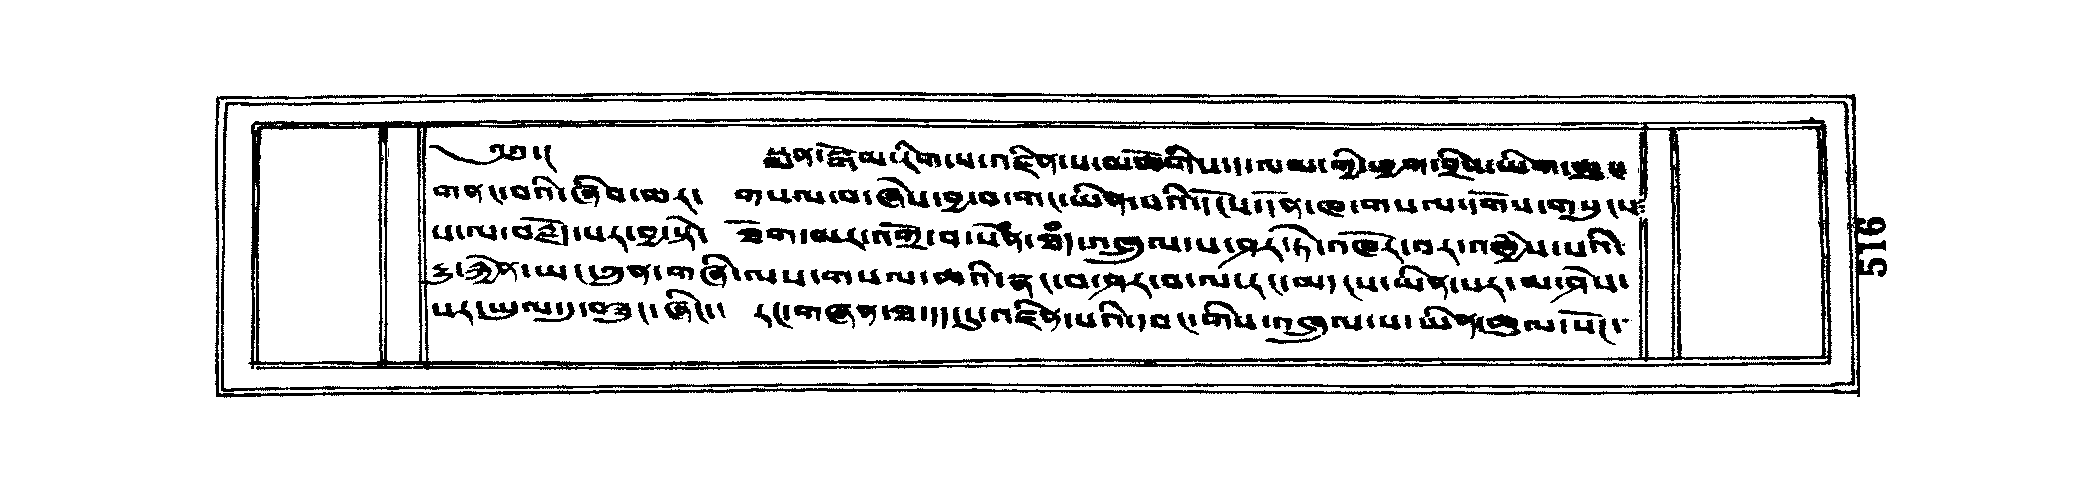སྨན་སྒོམ་རིག་པ་འཛིན་པ་མཆོག་གིས་ད་ལམ་གྱི་ཕྱག་བྲིས་ཡིག་ཆུང་
གནང་བའི་ཞིབ་ཆར། གསལ་བ་ཞེས་བྱ་བ་གང་ཡིན་པའི་དངོས་དོན་ཁ་གསལ་དགོས་གསུངས་
པ་ལ་བརྗོད་པར་བྱ་སྟེ། ཐོག་མར་འགྲོ་བ་སེམས་ཅན་ཐམས་ཅད་འཁྲུལ་པ་ཤར་ཏེ་འཁོར་བར་འཁྱམས་པའི་
རྒྱུ་རྐྱེན་ཡང་ཀུན་གཞི་ལས་གསལ་ཆའི་སྣང་བ་ཤར་བ་ལ་རང་མདངས་ཡིན་པར་མ་ཤེས་
པར་ཡུལ་དུ་བཟུང་ཞིང་། རང་གཞན་ཐ་དད་དུ་འཛིན་པའི་དབང་གིས་འཁྲུལ་པ་ཡིན་ཚུལ་སོགས་